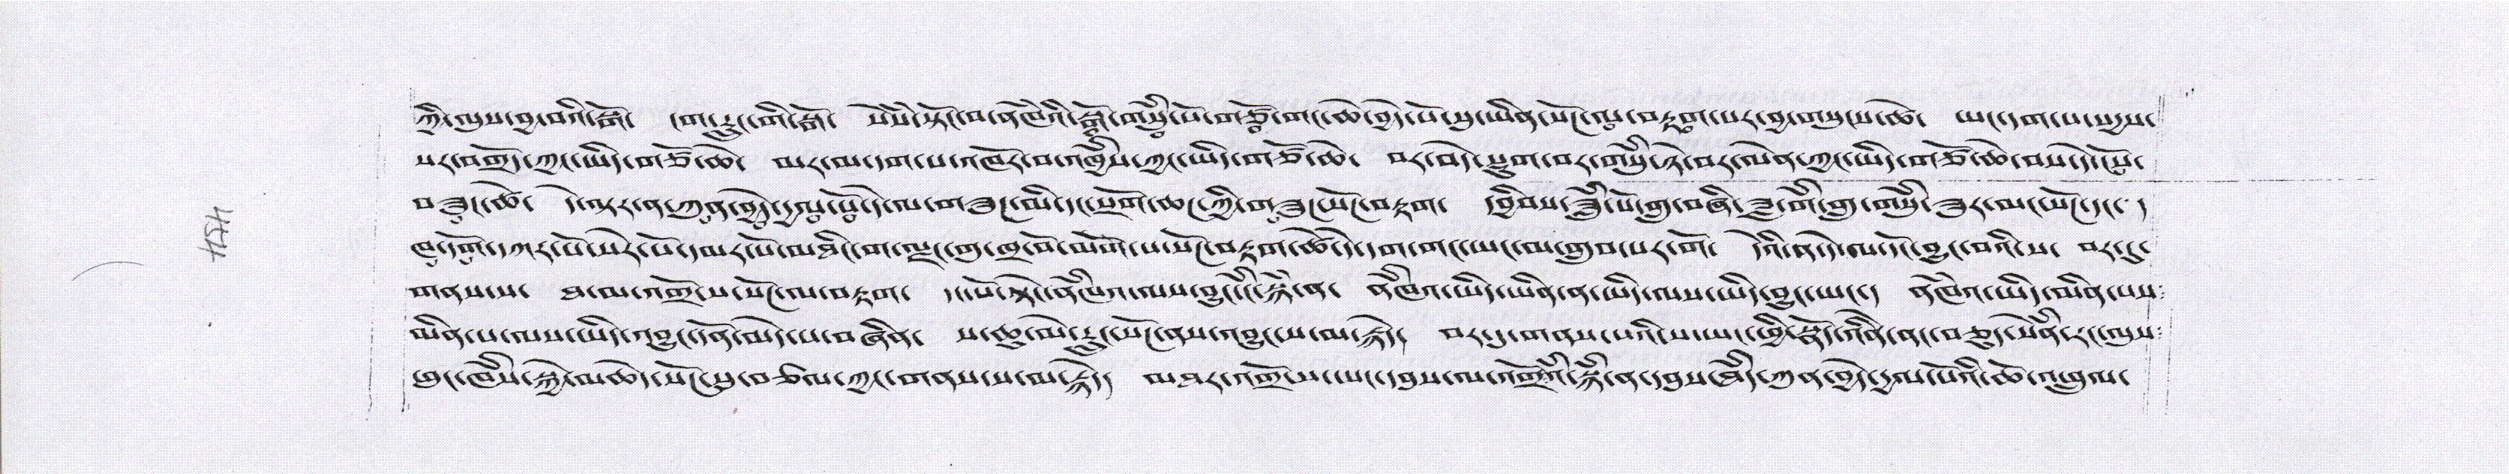ཀྱི་ལུས་བྱ་བའི་སྒོ། ངག་རླུང་གི་སྒོ། སེམས་སྟོང་པ་ནམ་མཁའི་སྒོ་གསུམ་པོ་གཙོ་གང་ཆེ་བྱེད་པོ་སུན་ཡིན་སོགས་ལ་བརྟག་པར་བྱ་གསུངས་ཚེ། ཡང་དག་པ་སངས་རྒྱས་
སར་བགྲོད་ཀྱང་ཡིད་གཙོ་ཆེ། མར་མ་དག་པ་འཁོར་བར་འཁྱམས་ཀྱང་ཡིད་གཙོ་ཆེ། བར་བདེ་སྡུག་བར་གསུམ་ཉེ་བར་ལེན་ཀྱང་ཡིད་གཙོ་ཆེ་བས་དེ་ངོས་
བཟུང་ཚེ། དེ་ལྟར་ན་ཀུན་བྱེད་རྒྱལ་པོ་དེ་ལ་གཟུགས་མི་དང་སྲོག་ཆགས་ཀྱི་གཟུགས་སོགས་བརྟགས། དབྱིབས་ཟླུམ་པོ་གྲུ་བཞི་ཟླ་གམ་གྲུ་གསུམ་ཟུར་མང་སོགས་དང་
ཁ་དོག་དཀར་པོ་སེར་པོ་དམར་པོ་མཐིང་ག་ལྗང་གུ་ཁྲ་བོ་མོག་པ་སོགས་བརྟགས་ཚེ་དེ་དག་གང་ཡང་མ་གྲུབ་པར་གོ དེས་ན་དེ་ལ་དང་པོ་བྱུང་བའི་ས། བར་དུ་
གནས་ས། ཐ་མ་འགྲོ་ས་སོགས་ལ་བརྟགས། དང་པོ་སྟེང་ནམ་མཁའ་ལས་བྱུང་ངམ་སྙམ་ན། ནམ་མཁའ་ཡིད་ཡིན་ན་ཡིད་ལས་ཡིད་བྱུང་ཡང་། ནམ་མཁའ་ཡིད་མིན་པས་
མིན་པ་ལས་ཡིད་འབྱུང་དོན་མེད་པ་བཞིན། ས་ཆུ་མེ་རླུང་སོགས་ནས་འབྱུང་ས་མ་རྙེད། བར་དུ་གནས་པའི་ས་ཡང་ཕྱི་སྣོད་འཇིག་རྟེན་ནང་བཅུད་སེམས་ཅན་རང་ལུས་
ཕུང་ཁམས་སྐྱེ་མཆེད་སོགས་སུ་བཙལ་ཀྱང་གནས་ས་མ་རྙེད། མཐར་འགྲོ་ས་ཡང་དབུས་ལ་འགྲོའམ་སྙམ་ན་དབུས་ཐམས་ཅད་ཀུན་བྱེད་རྒྱལ་པོའི་ཆོ་འཕྲུལ་